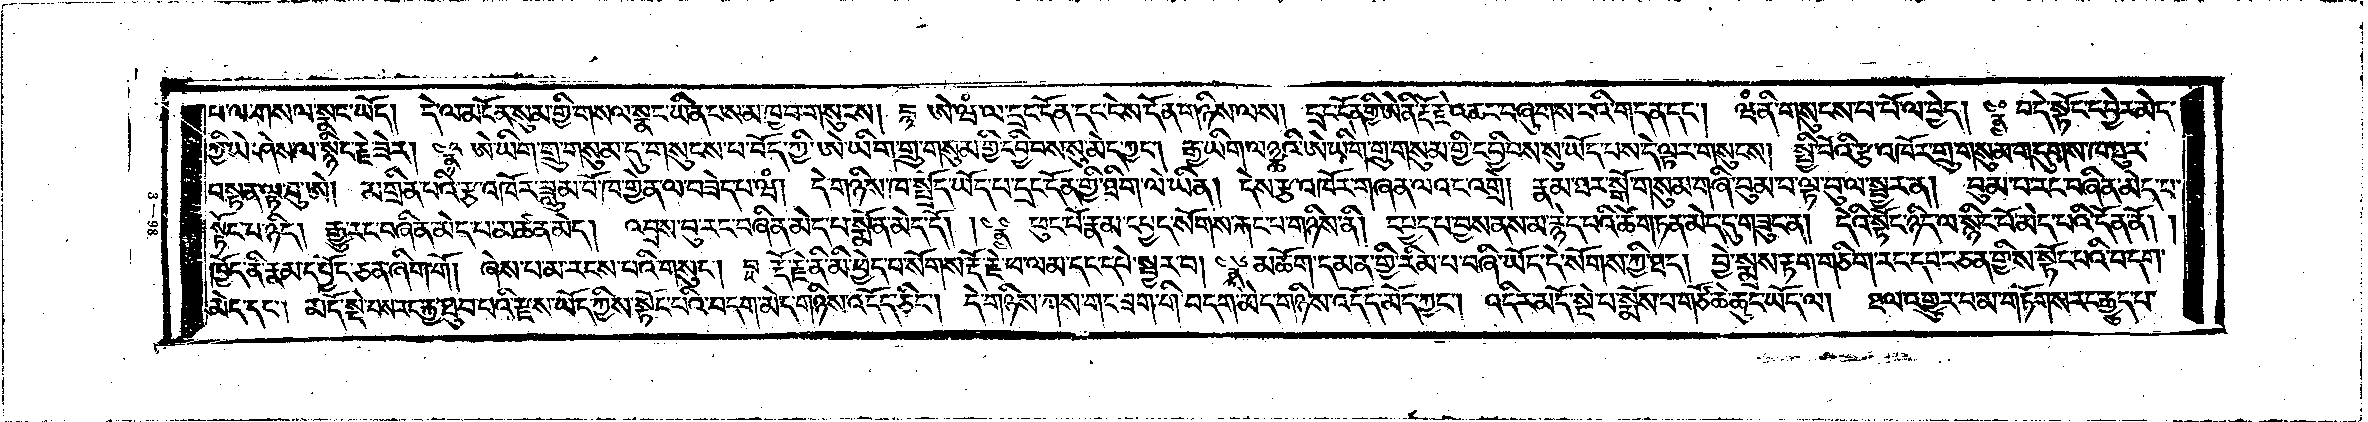པ་ལ་གསལ་སྣང་ཡོད། དེ་ལ་མངོན་སུམ་གྱི་གསལ་སྣང་ཡིན་པས་མ་ཁྱབ་གསུངས། བ༣་ཨེ་ཝཾ་ལ་དྲང་དོན་དང་ངེས་དོན་གཉིས་ལས། དྲང་དོན་གྱི་ཨེ་ནི་རྡོ་རྗེ་འཆང་བཞུགས་པའི་གདན་དང་། ཝཾ་ནི་གསུངས་པ་པོ་ལ་བྱེད། ༤༠ན༤་བདེ་སྟོང་དབྱེར་མེད་
ཀྱི་ཡེ་ཤེས་ལ་སྙིང་རྗེ་ཟེར། ༤༢ན༡་ཨེ་ཡིག་གྲུ་གསུམ་དུ་གསུངས་པ་བོད་ཀྱི་ཨེ་ཡིག་གྲུ་གསུམ་གྱི་དབྱིབས་སུ་མེད་ཀྱང་། རྒྱ་ཡིག་ལྙྪའི་ཨེ་ཡིག་གྲུ་གསུམ་གྱི་དབྱིབས་སུ་ཡོད་པས་དེ་ལྟར་གསུངས། སྤྱི་བོའི་རྩ་འཁོར་གྲུ་གསུམ་གདུགས་ཁ་ཐུར་
བསྟན་ལྟ་བུ་ཨེ། མགྲིན་པའི་རྩ་འཁོར་ཟླུམ་བོ་ཁ་གྱེན་ལ་བཟེད་པ་ཝཾ། དེ་གཉིས་ཁ་སྤྲོད་ཡོད་པ་དྲང་དོན་གྱི་ཐིག་ལེ་ཡིན། དེས་རྩ་འཁོར་གཞན་ལའང་འགྲེ། རྣམ་ཐར་སྒོ་གསུམ་གཞི་བུམ་པ་ལྟ་བུ་ལ་སྦྱར་ན། བུམ་པ་རང་བཞིན་མེད་པ་
སྟོང་པ་ཉིད། རྒྱུ་རང་བཞིན་མེད་པ་མཚན་མེད། འབྲས་བུ་རང་བཞིན་མེད་པ་སྨོན་མེད་དོ། །༤༤ན༤་ཕུང་པོ་རྣམ་དཔྱད་སོགས་རྐང་པ་གཉིས་ནི། དཔྱད་པ་བྱས་ནས་མ་རྙེད་པའི་ཚེ་གཏན་མེད་དུ་གཟུང་ན། དེའི་སྟོང་ཉིད་ལ་སྙིང་པོ་མེད་པའི་དོན་ནོ། །
ཁྱོད་ནི་རྣམ་དཔྱོད་ཅན་ཞིག་གོ། ཞེས་པ་མ་རངས་པའི་གསུང་། བ༥་རྡོ་རྗེ་ནི་མི་ཕྱེད་པ་སོགས་རྡོ་རྗེ་ཕ་ལམ་དང་དཔེ་སྦྱར་བ། ༤༦ན༣་མཆོག་དམན་གྱི་རིམ་པ་བཞི་ཡོད་དེ་སོགས་ཀྱི་ཐད། བྱེ་སྨྲས་རྟག་གཅིག་རང་དབང་ཅན་གྱིས་སྟོང་པའི་བདག་
མེད་དང་། མདོ་སྡེ་བས་རང་རྐྱ་ཐུབ་པའི་རྫས་ཡོད་ཀྱིས་སྟོང་པའི་བདག་མེད་གཉིས་འདོད་ཅིང་། དེ་གཉིས་ཀས་གང་ཟག་གི་བདག་མེད་གཉིས་འདོད་མོད་ཀྱང་། འདིར་མདོ་སྡེ་པ་སྨོས་པ་གཙོ་ཆེ་ཆུང་ཡོད་ལ། ཐལ་འགྱུར་བ་མ་གཏོགས་རང་རྒྱུད་པ་